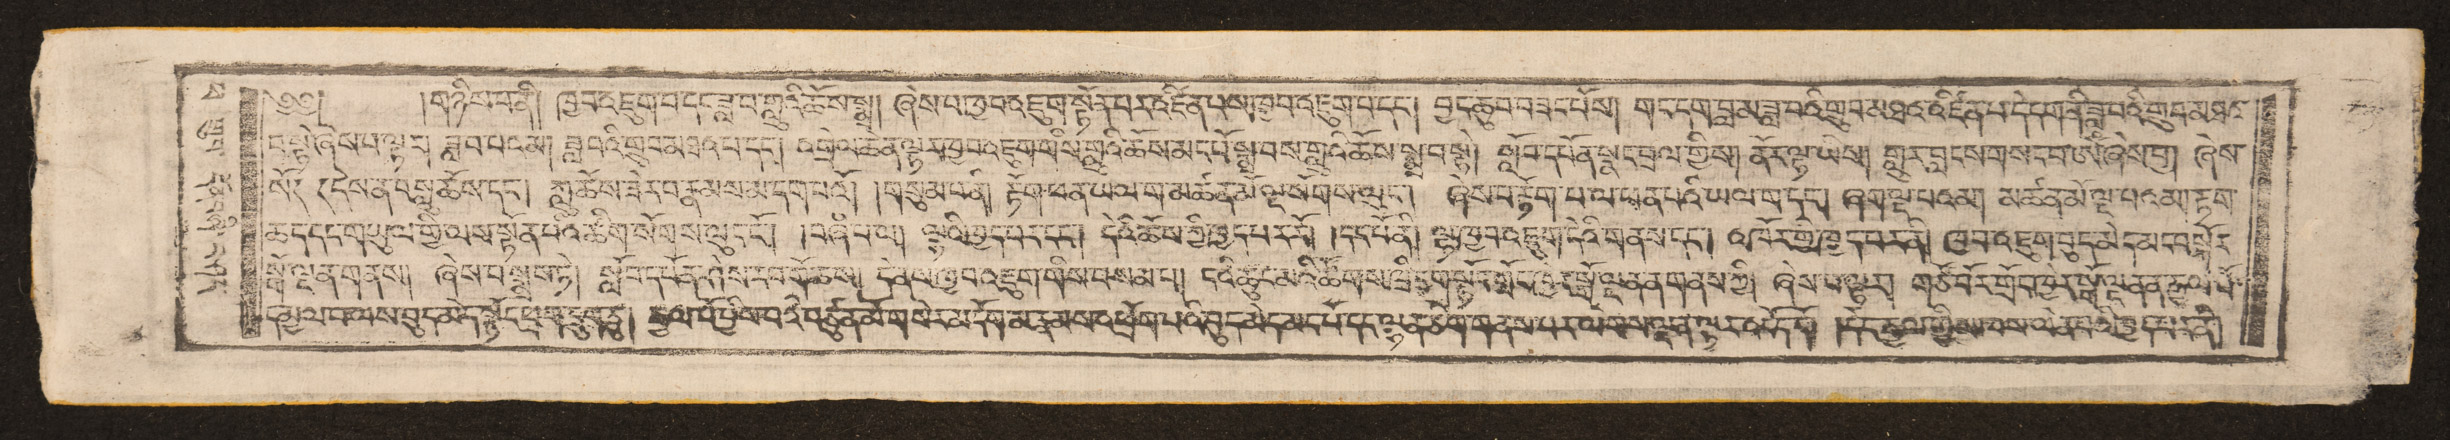༄༅། །གཉིས་པ་ནི། ཁྱབ་འཇུག་པ་དང་ཟླ་བ་གླུའི་ཆོས་སྨྲ། ཞེས་པ་ཁྱབ་འཇུག་སྟོན་པར་འཛིན་པས་ཁྱབ་འཇུག་པ་དང་། བྱང་ཆུབ་བཟང་པོས། གང་དག་བླ་མ་ཟླ་བའི་གྲུབ་མཐའ་འཛིན་པ་དེ་དག་ནི་ཟླ་བའི་གྲུབ་མཐའ་
བ་སྟེ་ཞེས་པ་ལྟར། ཟླ་བ་པའམ། ཟླ་བའི་གྲུབ་མཐའ་པ་དང་། འགྲེལ་ཆེན་ལྟར་ཁྱབ་འཇུག་གིས་གླུའི་ཆོས་མང་པོ་སྨྲ་བས་གླུའི་ཆོས་སྨྲ་བ་སྟེ། སློབ་དཔོན་སྣང་བྲལ་གྱིས། ནོར་ལྷ་ཡིས། གླུར་བླངས་གསང་བ་ཨོཾ་ཞེས་བྱ། ཞེས་
སོ། །དེས་ན་བསླུ་ཆོས་དང་། ཀླུ་ཆོས་ཟེར་བ་རྣམས་མ་དག་པའོ། །གསུམ་པ་ནི། རྟོག་ཕན་ཡལ་ག་མཚན་མོ་ལྔ་སོགས་ལུང་། ཞེས་པ་རྟོག་པ་ལ་ཕན་པའི་ཡལ་ག་དང་། ཞག་ལྔ་པའམ། མཚན་མོ་ལྔ་པའམ། རྟག་
ཆད་དང་གཡུལ་གྱི་ལས་སྟོན་པའི་ཚིག་སོགས་ལུང་ངོ། །བཞི་བ་ལ། ལྷའི་ཁྱད་པར་དང་། དེའི་ཆོས་ཀྱི་ཁྱད་པར་རོ། །དང་པོ་ནི། ལྷ་ཁྱབ་འཇུག་དེའི་གནས་དང་། འཁོར་གྱི་ཁྱད་པར་ནི། ཁྱབ་འཇུག་བུད་མེད་མང་བསྐོར་
སྒོ་ལྡན་གནས། ཞེས་པ་སྨྲས་ཏེ། སློབ་དཔོན་ཤེས་རབ་གོ་ཆས། དེ་ནས་ཁྱབ་འཇུག་གིས་བསམ་པ། དེའི་ཆུང་མའི་ཚོགས་ཁྲི་དྲུག་སྟོང་གྲོང་ཁྱེར་སྒོ་ལྡན་ན་གནས་ཀྱི། ཞེས་པ་ལྟར། གཙོ་བོར་གྲོང་ཁྱེར་སྒོ་ལྡན་ན་རྒྱལ་པོ་
དམྱལ་བ་ལས་བུད་མེད་སྟོང་ཕྲག་དྲུག་ཅུ། རྒྱལ་པོ་བྱིས་པའི་བཙུན་མོ་གསེར་མདོག་མ་རྣམས་འཕྲོག་པའི་བུད་མེད་མང་པོ་དང་ལྷན་ཅིག་གནས་པར་ལེགས་ལྡན་ལྟར་འདོད་དོ། །དེ་ང་རྒྱལ་གྱིས་ཁས་ལན་པའི་ཁྱད་པར་ནི།